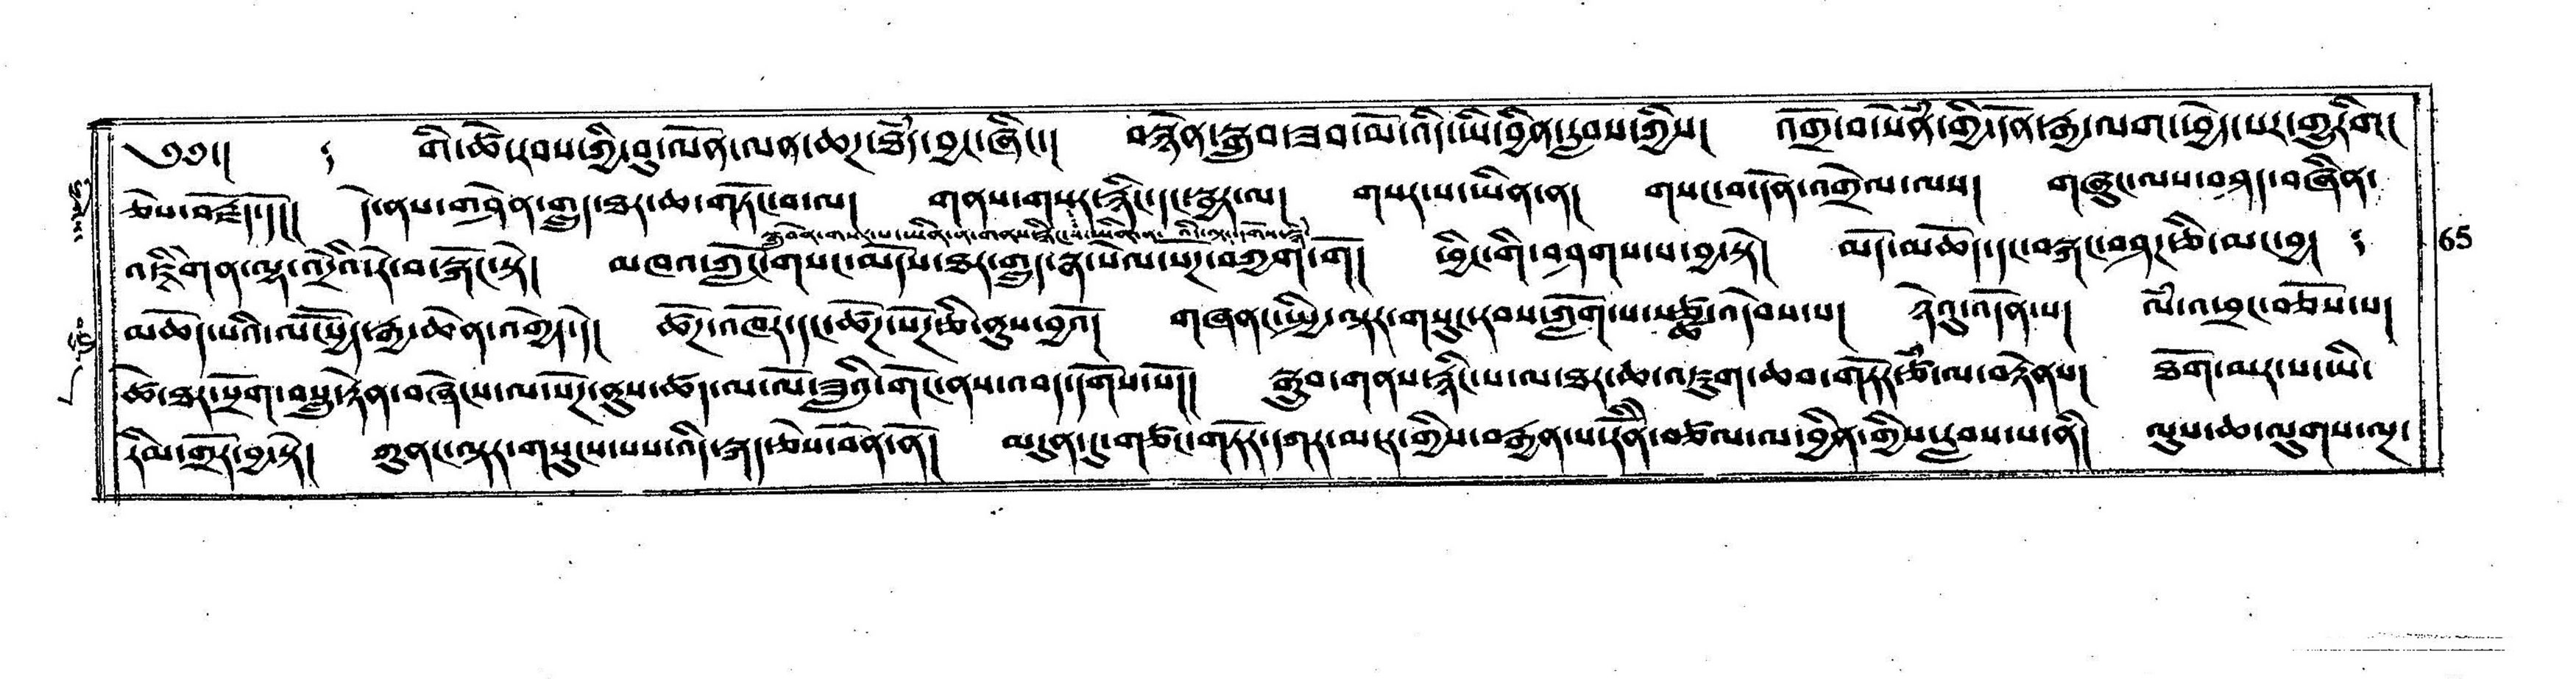གི་ཚེ་རབས་ཀྱི་བུ་ལོན་ལན་ཆགས་ཐམས་ཅད་བྱང་ཞིང་། བསྙེན་སྒྲུབ་ཟབ་མོ་འདི་ཡི་བྱིན་རླབས་ཀྱིས། འགྲོ་བ་སེམས་ཅན་གྱི་དོན་རྒྱ་ལག་ཕྱེད་པར་གྱུར་ཅིག 
ཅེས་བརྗོད་དོ།། དེ་ནས་གཤེན་གླུད་ཐར་ཆ་གཏོང་བ་ལ། གནས་གསར་(སྒྲུབ་གཤེན་གསར་པ་ཡིན་ན་གནས་རྙིང་པ་ཡིན་པ་འདི་ལྟར་དགོས་སྙམ།) རྙིང་དང་སྦྱར་ལ། གསར་པ་ཡིན་ན། གསང་བ་དོན་འགྲེལ་ལས། གཞུང་ལས་བཤད་བཞིན་
འཇིག་རྟེན་ལྷ་འདྲེའི་རེ་བ་སྐོང་སྟེ། མཁའ་ཀློང་གསང་མདོས་ཐར་གླུད་སྣ་སེལ་སོགས་བཀྱག་གོ ཕྱི་ནང་གི་བཤགས་པ་བྱ་སྟེ། མདོ་མཆོད་དང་བསྐང་བཤགས་ཅི་མང་བྱ།
མཆོད་པའི་ལོངས་སྤྱོད་རྒྱ་ཆེན་འགྱེད་དེ། ཚོགས་འཁོར་དང་ཚོགས་སོགས་ཅི་ནུས་བྱའོ། གཞན་ཡང་སྤྱི་ལྟར་གསུང་རབས་ཀློག་པ་སཙྪ་འདེབས་པ། ཉེའུ་འདོན་པ། ལམ་འཕྲང་བཅོས་པ། 
ཚེ་ཐར་སྲོག་བསླུ་རྟེན་བཞེངས་ལ་སོགས་ནུས་ཚད་ལ་ལོ་ཟླའི་གོང་ནས་འབད་དགོས་སོ།། སྒྲུབ་གནས་རྙིང་པ་ལ་ཐར་ཆ་འཇུག་ཆབ་གཏོར་ཙམ་ལ་བརྟེན་ནས། ཐོག་མར་ས་ཡི་
རིམ་གྲོ་བྱ་སྟེ། ཀུན་སྣང་ལྟར་གསུངས་པས་འདི་སྐད་ཅེས་བོན་ནོ། མདུན་དུ་གཙང་གཏོར་དཀར་མངར་གྱིས་བརྒྱན་པ་རིན་པོ་ཆེ་བཙལ་ལ་བྱིན་གྱིས་བརླབས་པ་ནི། ལུས་ཆ་ལུགས་ལྔ་